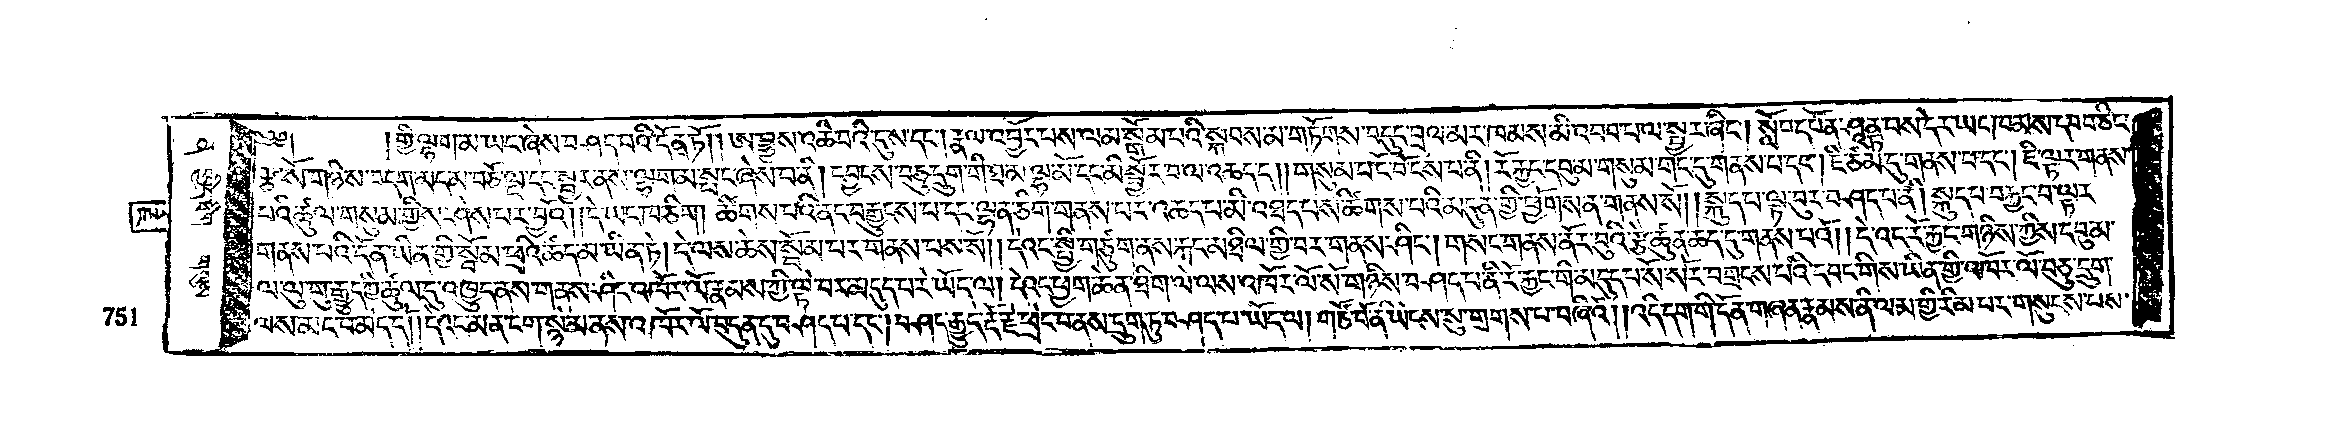༄༅། །གྱི་ལྷག་མ་ཡང་ཞེས་བཤད་པའི་དོན་ཏོ། །ཨ་བྷྱས་འཆི་བའི་དུས་དང་། རྣལ་འབྱོར་པས་ལམ་སྒོམ་པའི་སྐབས་མ་གཏོགས་བདུད་བྲལ་མར་ཁམས་མི་འབབ་པ་ལ་སྦྱར་ཞིང་། སློབ་དཔོན་ཤཱནྟ་པས་དེར་ཡང་ཁམས་དབབ་ཅིང་
རྩ་སོ་གཉིས་བདག་མེད་མ་བཅོ་ལྔ་དང་སྦྱར་ནས་ལྷག་མ་སྤང་ཞེས་པ་ནི། དབྱངས་བཅུ་དྲུག་གི་ཐ་མ་ལྷ་མོ་དང་མི་སྦྱོར་བ་ལ་འཆད་དེ། །གསུམ་པ་ངོ་བོ་ངེས་པ་ནི། རོ་རྐྱང་དབུ་མ་གསུམ་གོང་དུ་གནས་པ་དང་། ཇི་ཙམ་དུ་གནས་པ་དང་། ཇི་ལྟར་གནས་
པའི་ཚུལ་གསུམ་གྱིས་ཤེས་པར་བྱའོ། །དེ་ཡང་ཁ་ཅིག །ཚིགས་པའི་ནང་བརྒྱུངས་པ་དང་ལྷན་ཅིག་གནས་པར་འཆད་པ་མི་འཐད་པས་ཚིགས་པའི་མདུན་གྱི་ཕྱོགས་ན་གནས་སོ། །སྐུད་པ་ལྟ་བུར་བཤད་པ་ནི། སྐུད་པ་བརྐྱང་བ་ལྟར་
གནས་པའི་དོན་ཡིན་གྱི་སྦོམ་ཕྲའི་ཚད་མ་ཡིན་ཏེ། དེ་ལས་ཆེས་སྦོམ་པར་གནས་པས་སོ། །དེའང་སྤྱི་གཙུག་ནས་རྐང་མཐིལ་གྱི་བར་གནས་ཤིང་། གསང་གནས་ནོར་བུའི་རྩེ་ཚུན་ཆད་དུ་གནས་པའོ། །དེ་འང་རོ་རྐྱང་གཉིས་ཀྱིས་དབུ་མ་
ལ་ལུ་གུ་རྒྱུད་ཀྱི་ཚུལ་དུ་འཁྱུད་ནས་གནས་ཤིང་འཁོར་ལོ་རྣམས་ཀྱི་ལྟེ་བར་མདུད་པ་རེ་ཡོད་ལ། དེའང་ཕྱག་ཆེན་ཐིག་ལེ་ལས་འཁོར་ལོ་སོ་གཉིས་བཤད་པ་ནི་རོ་རྐྱང་གི་མདུད་པ་སོ་སོར་བགྲངས་པའི་དབང་གིས་ཡིན་གྱི་འཁོར་ལོ་བཅུ་དྲུག་
ལས་མང་བ་མེད་དོ། །དེའང་མན་ངག་སྙེ་མ་ནས་འཁོར་ལོ་བདུན་དུ་བཤད་པ་དང་། བཤད་རྒྱུད་རྡོ་རྗེ་ཕྲེང་བ་ནས་དྲུག་ཏུ་བཤད་པ་ཡོད་ལ། གཙོ་བོ་ནི་ཡོངས་སུ་གྲགས་པ་བཞིའོ། །འདི་དག་གི་དོན་གཞན་རྣམས་ནི་ལམ་གྱི་རིམ་པར་གསུངས་པས་